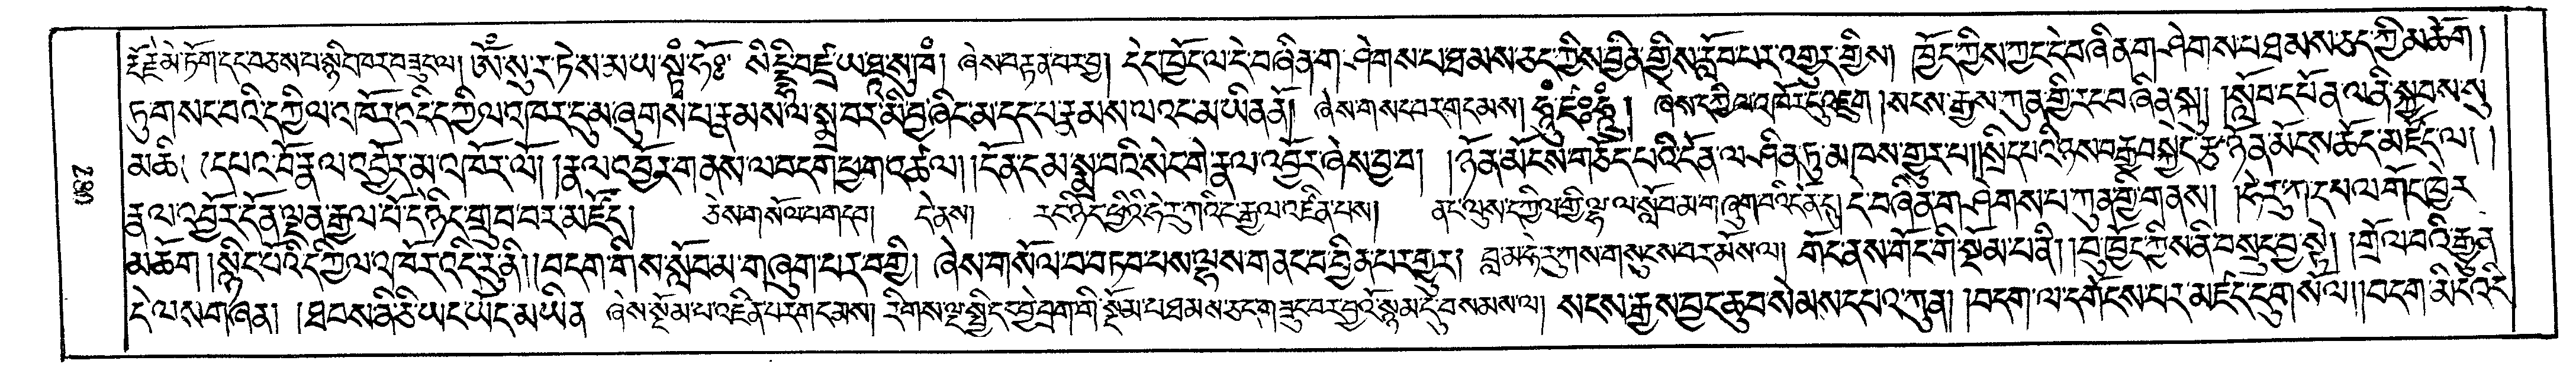རྡོ་རྗེ་མེ་ཏོག་དང་བཅས་པ་སྙིང་ཁར་བཟུང་ལ། ཨོཾ་སུ་ར་ཏེ་ས་མ་ཡ་སྟྭཾ་ཧོཿ སིདྡྷི་བཛྲ་ཡ་ཐཱ་སུ་ཁཾ། ཞེས་བརྟན་པར་བྱ། དེང་ཁྱོད་ལ་དེ་བཞིན་གཤེགས་པ་ཐམས་ཅད་ཀྱིས་བྱིན་གྱིས་རློབ་པར་འགྱུར་གྱིས། ཁྱོད་ཀྱིས་ཀྱང་དེ་བཞིན་གཤེགས་པ་ཐམས་ཅད་ཀྱི་མཆོག་
ཏུ་གསང་བའི་དཀྱིལ་འཁོར་འདི་དཀྱིལ་འཁོར་དུ་མ་ཞུགས་པ་རྣམས་ལ་སྨྲ་པར་མི་བྱ་ཞིང་མ་དད་པ་རྣམས་ལའང་མ་ཡིན་ནོ། ཞེས་གསང་བར་གདམས། ཧཱུཾ་ཛཿ ཧཱུཾ། ཞེས་དཀྱིལ་འཁོར་དུ་འཇུག །སངས་རྒྱས་ཀུན་གྱི་རང་བཞིན་སྐུ། །སློབ་དཔོན་ལ་ནི་སྐྱབས་སུ་
མཆི༑ ༑དཔའ་བོ་རྣལ་འབྱོར་མ་འཁོར་ལོ། །རྣལ་འབྱོར་གནས་ལ་བདག་ཕྱག་འཚལ། །དོན་དམ་སྨྲ་བའི་སེང་གེ་རྣལ་འབྱོར་ཞེས་བྱ་བ། །ཉོན་མོངས་གཅོད་པའི་དོན་ལ་ཤིན་ཏུ་མཁས་གྱུར་པ། །སྲིད་བའི་ཉེས་བརྒྱ་བསྐྱེད་རྩ་ཉོན་མོངས་ཆོད་མཛོད་ལ། །
རྣལ་འབྱོར་དོན་ལྡན་རྒྱལ་པོ་དེ་ཉིད་གྲུབ་པར་མཛོད། ཅེས་གསོལ་བ་གདབ། དེ་ནས། རང་ཉིད་ཕྱིའི་ཧེ་རུ་ཀའི་ང་རྒྱལ་འཛིན་པས། ནང་ལུས་དཀྱིལ་གྱི་ལྷ་ལ་སློབ་མ་གཞུག་པའི་དོན་དུ། དེ་བཞིན་གཤེགས་པ་ཀུན་གྱི་གནས། །ཧེ་རུ་ཀ་དཔལ་གྲོང་ཁྱེར་
མཆོག །སྙིང་པོའི་དཀྱིལ་འཁོར་འདི་རུ་ནི། །བདག་གིས་སློབ་མ་གཞུག་པར་བགྱི། ཞེས་གསོལ་བ་བཏབ་པས་ལྷས་གནང་བ་བྱིན་བར་གྱུར། བླ་མ་ཧེ་རུ་ཀས་གསུངས་པར་མོས་ལ། གོང་ནས་གོང་གི་སྡོམ་པ་ནི། །བུ་ཁྱོད་ཀྱིས་ནི་བསྲུང་བྱ་སྟེ། །གྲོལ་བའི་རྒྱུ་ནི་
དེ་ལས་གཞན། །ཐབས་ནི་ཅི་ཡང་ཡོད་མ་ཡིན། ཞེས་སྡོམ་པ་འཛིན་པར་གདམས། རིགས་ལྔ་སྤྱི་དང་བྱེ་བྲག་གི་སྡོམ་པ་ཐམས་ཅད་གཟུང་བར་བྱའོ་སྙམ་དུ་བསམས་ལ། སངས་རྒྱས་བྱང་ཆུབ་སེམས་དཔའ་ཀུན། །བདག་ལ་དགོངས་པར་མཛད་དུ་གསོལ། །བདག་མིང་འདི་